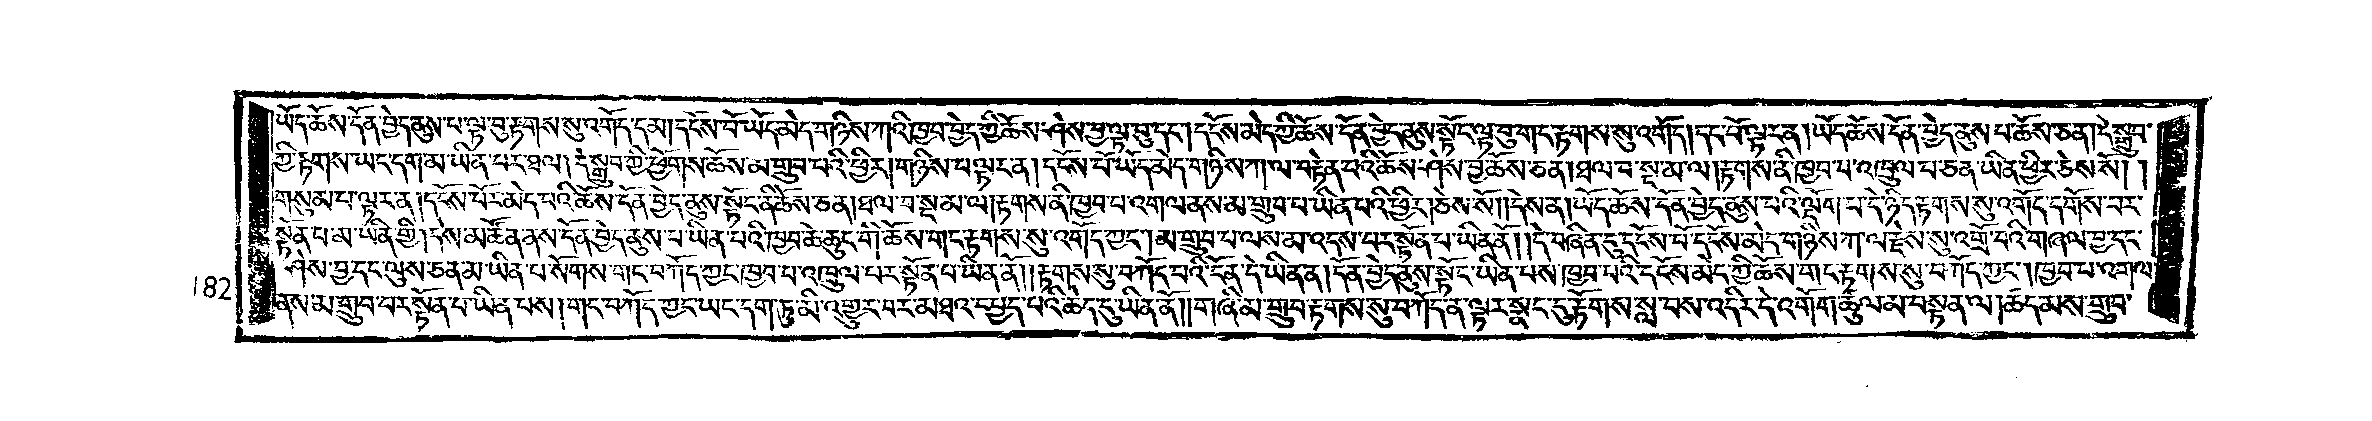ཡོད་ཆོས་དོན་བྱེད་ནུས་པ་ལྟ་བུ་རྟགས་སུ་འགོད་དམ། དངོས་པོ་ཡོད་མེད་གཉིས་ཀའི་ཁྱབ་བྱེད་ཀྱི་ཆོས་ཤེས་བྱ་ལྟ་བུ་དང་། དངོས་མེད་ཀྱི་ཆོས་དོན་བྱེད་ནུས་སྟོང་ལྟ་བུ་གང་རྟགས་སུ་འགོད། དང་པོ་ལྟར་ན། ཡོད་ཆོས་དོན་བྱེད་ནུས་པ་ཆོས་ཅན། དེ་སྒྲུབ་
ཀྱི་རྟགས་ཡང་དག་མ་ཡིན་པར་ཐལ། དེ་སྒྲུབ་ཀྱི་ཕྱོགས་ཆོས་མ་གྲུབ་པའི་ཕྱིར། གཉིས་པ་ལྟར་ན། དངོས་པོ་ཡོད་མེད་གཉིས་ཀ་ལ་བརྟེན་པའི་ཆོས་ཤེས་བྱ་ཆོས་ཅན། ཐལ་བ་སྔ་མ་ལ། རྟགས་ནི་ཁྱབ་པ་འཁྲུལ་པ་ཅན་ཡིན་ཕྱིར་ཅེས་སོ། །
གསུམ་པ་ལྟར་ན། དངོས་པོར་མེད་པའི་ཆོས་དོན་བྱེད་ནུས་སྟོང་ནི་ཆོས་ཅན། ཐལ་བ་སྔ་མ་ལ། རྟགས་ནི་ཁྱབ་པ་འགལ་ནས་མ་གྲུབ་པ་ཡིན་པའི་ཕྱིར། ཅེས་སོ། །དེས་ན། ཡོད་ཆོས་དོན་བྱེད་ནུས་པའི་ལྡོག་པ་དེ་ཉིད་རྟགས་སུ་འགོད་དགོས་པར་
སྟོན་པ་མ་ཡིན་གྱི། དེས་མཚོན་ནས་དོན་བྱེད་ནུས་པ་ཡིན་པའི་ཁྱབ་ཆེ་ཆུང་གི་ཆོས་གང་རྟགས་སུ་འགོད་ཀྱང་། མ་གྲུབ་པ་ལས་མ་འདས་པར་སྟོན་པ་ཡིན་ནོ། །དེ་བཞིན་དུ་དངོས་པོ་དངོས་མེད་གཉིས་ཀ་ལ་རྗེས་སུ་འགྲོ་བའི་གཞལ་བྱ་དང་
ཤེས་བྱ་དང་ལུས་ཅན་མ་ཡིན་པ་སོགས་གང་བཀོད་ཀྱང་ཁྱབ་པ་འཁྲུལ་པར་སྟོན་པ་ཡིན་ནོ། །རྟགས་སུ་བཀོད་པའི་དོན་དེ་ཡིན་ན། དོན་བྱེད་ནུས་སྟོང་ཡིན་པས་ཁྱབ་པའི་དངོས་མེད་ཀྱི་ཆོས་གང་རྟགས་སུ་བཀོད་ཀྱང་། ཁྱབ་པ་འགལ་
ནས་མ་གྲུབ་པར་སྟོན་པ་ཡིན་པས། གང་བཀོད་ཀྱང་ཡང་དག་ཏུ་མི་འགྱུར་བར་མཐའ་དཔྱད་པའི་ཆེད་དུ་ཡིན་ནོ། །གཞི་མ་གྲུབ་རྟགས་སུ་བཀོད་ན་ལྟར་སྣང་དུ་རྟོགས་སླ་བས་འདིར་དེ་འགོག་ཚུལ་མ་བསྟན་ལ། ཚད་མས་གྲུབ་